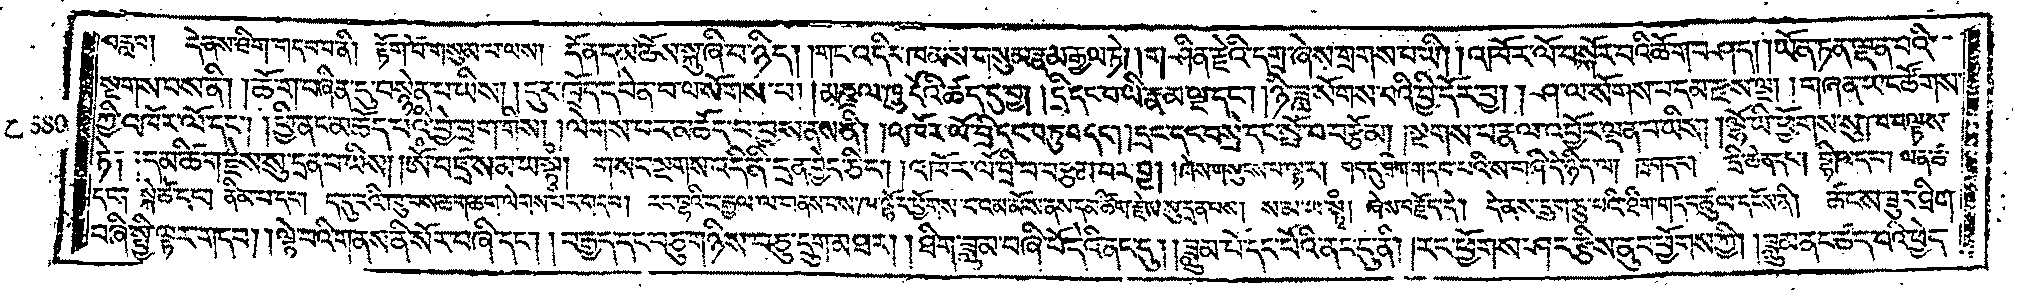བརླབ། དེ་ནས་ཐིག་གདབ་པ་ནི། རྟོག་པོ་གསུམ་པ་ལས། དོན་དམ་ཆོས་སྐུ་ཞི་བ་ཉིད། །གང་འདིར་ཁམས་གསུམ་རྣམ་རྒྱལ་ཏེ། །གཤིན་རྗེའི་དགྲ་ཞེས་གྲགས་པ་ཡི། །འཁོར་ལོ་བསྐོར་བའི་ཆོ་ག་བཤད། །ཡོན་ཏན་ལྡན་པའི་་་
སྔགས་པས་ནི། །ཆོ་ག་བཞིན་དུ་བསྙེན་པ་ཡིས། །དུར་ཁྲོད་དབེན་པ་ལ་སོགས་པ། །མཎྜལ་ཁུ་དོའི་ཚད་དུ་བྱ། །དྲི་དང་བ་ཡི་རྣམ་ལྔ་དང་། །ཉི་ཟླ་སོགས་པའི་བྱི་དོར་བྱ། །ཤ་ལ་སོགས་པ་དམ་རྫས་ལྔ། །གཞན་ཡང་ཚོགས་
ཀྱི་འཁོར་ལོ་དང་། །ཕྱི་ནང་མཆོད་པའི་བྱེ་བྲག་གིས། །ལེགས་པར་མཆོད་པ་བྱས་ནས་ནི། །འཁོར་ལོ་བྲི་དང་བཏུབ་དང་། །དྲང་དང་བསྲེ་དང་སྤོ་བ་བརྩོམ། །སྔགས་པ་རྣལ་འབྱོར་ལྡན་པ་ཡིས། །ལྷོ་ཡི་ཕྱོགས་སུ་ཁ་བལྟས་
ཏེ། །དམ་ཚིག་རྗེས་སུ་དྲན་པ་ཡིས། །ཨོཾ་བཛྲ་ས་མ་ཡ་སྟྭཾ། གསང་སྔགས་འདི་ནི་དྲན་བྱེད་ཅིང་། །འཁོར་ལོ་བྲི་བ་བརྩམ་པར་བྱ། །ཞེས་གསུངས་པ་ལྟར། གང་དུ་ཐིག་གདབ་པའི་ས་གཞི་དེ་ཉིད་ལ། ཁྲག་དང་དྲི་ཆེན་དང་། བྷིཥ་དང་། ལན་ཚ་
དང་། སྐེ་ཚེ་དང་། ནི་མ་པ་དང་། ད་དུ་རའི་ཁུ་བས་ཆག་ཆག་ལེགས་པར་གདབ། རང་ལྷའི་ང་རྒྱལ་ལ་གནས་པས་ཁ་ལྷོར་ཕྱོགས་པའམ་མོས་ནས་དམ་ཚིག་རྗེས་སུ་དྲན་པས། ས་མ་ཡ་སྟྭཱཾ། ཞེས་བརྗོད་དེ། དེ་ནས་དྲུག་ཅུ་པའི་ཐིག་གདབ་ཚུལ་དངོས་ནི།  ཚངས་ཟུར་ཐིག་
བཞི་སྤྱི་ལྟར་གདབ། །ལྟ་བའི་གནས་ནི་སོར་བཞི་དང་། །བརྒྱད་དང་བཅུ་གཉིས་བཅུ་དྲུག་མཐར། །ཐིག་ཟླུམ་བཞི་པོ་དེའི་ནང་དུ། །ཟླུམ་པོ་དང་པོའི་ནང་དུ་ནི། །རང་ཕྱོགས་ཤར་རྩིས་ནུབ་ཕྱོགས་ཀྱི། །ཟླུམ་ནང་ཚད་པའི་ཕྱེད་